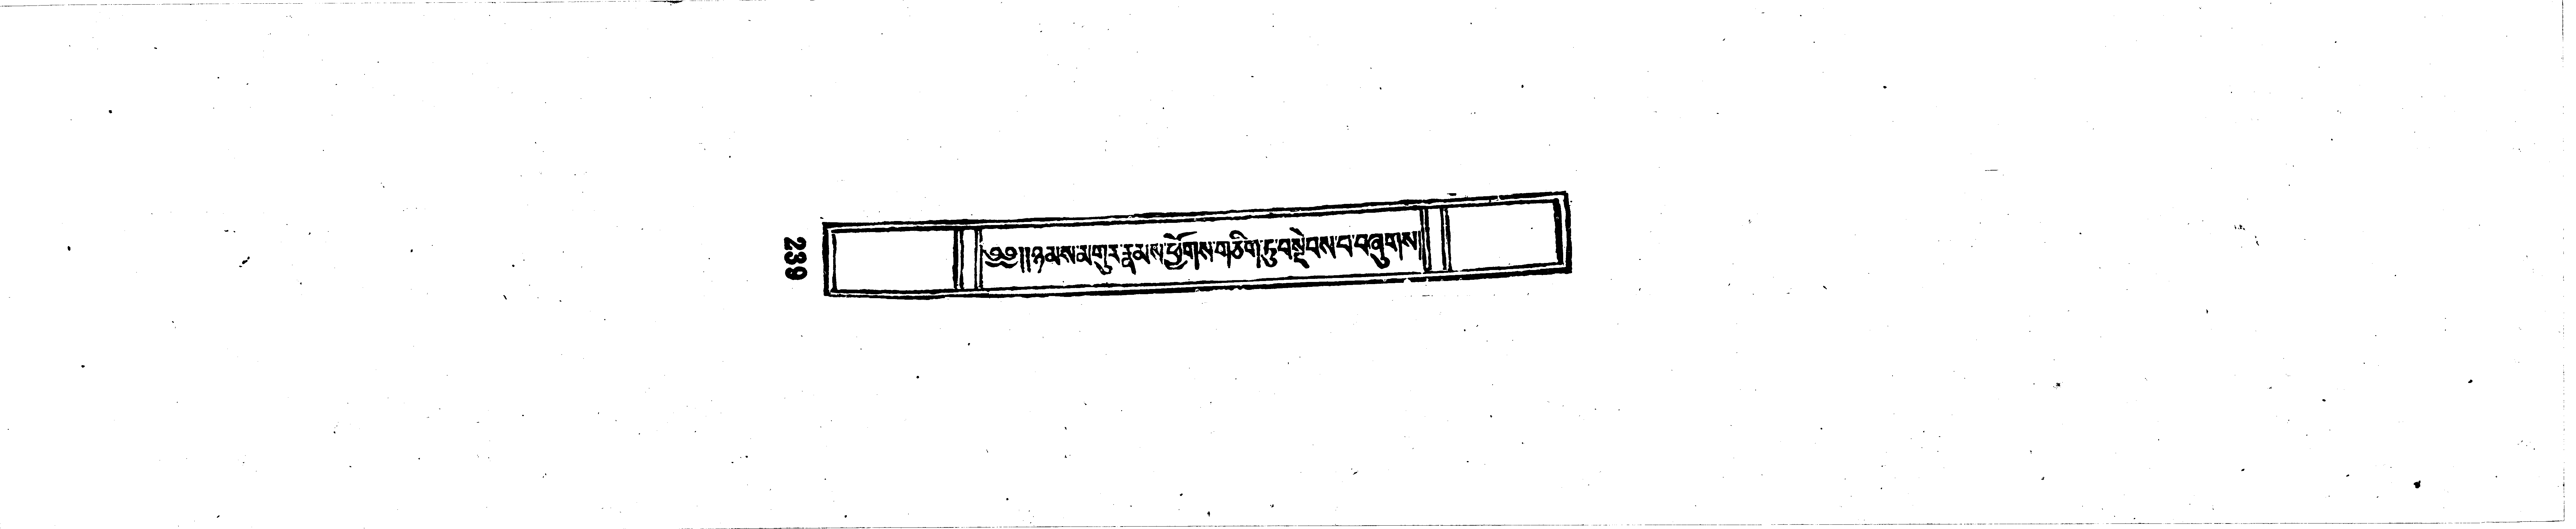༄༅། །ཉམས་མགུར་རྣམས་ཕྱོགས་གཅིག་ཏུ་བསྡེབས་པ་བཞུགས།